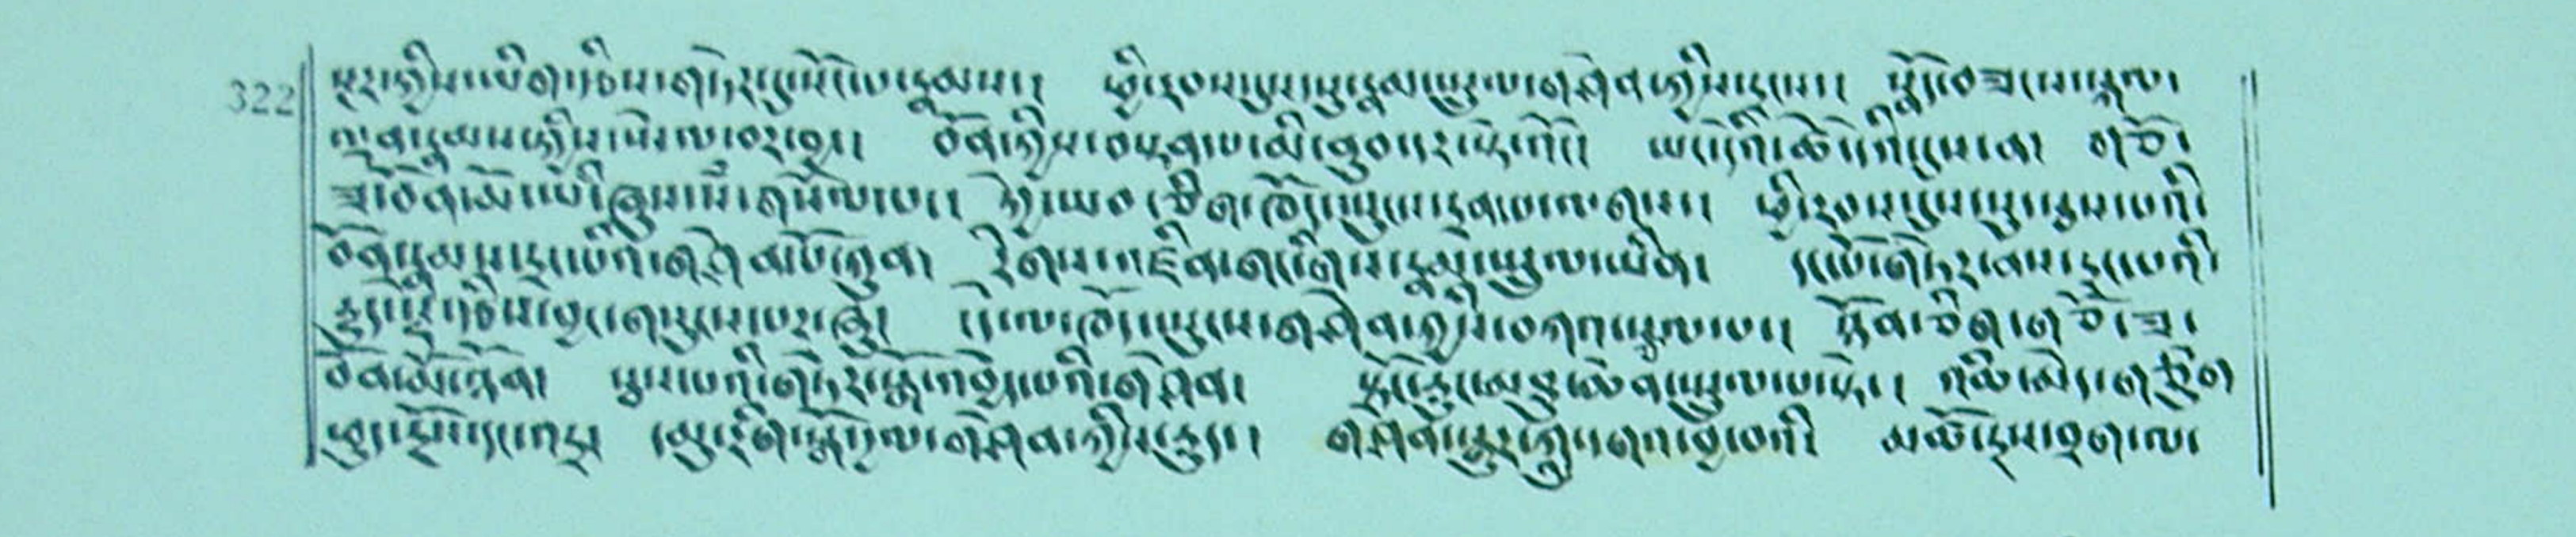སྔར་གྱི་ཡིག་རྩིས་གཏེར་དུ་སོང་བ་རྣམས། ཕྱི་རབས་དུས་སུ་རྣམ་སྤྲུལ་གཤེན་གྱིས་དྲངས། སྣོད་བཟང་སྐལ་
ལྡན་རྣམས་ཀྱིས་སྤེལ་བར་བྱས། བོན་གྱི་བསྟན་པ་མི་ནུབ་དར་ཏེ་འོང་། ཡང་དེའི་ཚེ་དེའི་དུས་ན། གཅོ་
ཟ་བོན་མོ་ཡིས་ཞུས་སམ་གསོལ་བ། ཀྱེ་ཡབ་ཅིག་ཁོད་སྤུངས་དྲན་པ་ལགས། ཕྱི་རབས་དུས་སུ་སྦས་པའི་
བོན་རྣམས་དྲངས་པའི་གཤེན་པོ་ཀུན། རིགས་འཛིན་གང་གིས་རྣམ་སྤྲུལ་ཡིན། དང་པོ་གཏེར་ནས་དྲངས་པའི་
རྒྱུད་སྡེ་རྩིས་བྱང་གསུངས་པར་ཞུ། དེ་ལ་ཁོད་སྤུངས་གཤེན་གྱིས་བཀའ་སྩལ་བ། ཉོན་ཅིག་གཅོ་ཟ་
བོན་མོ་ཉོན། སྦས་པའི་གཏེར་སྒོ་འབྱེད་པའི་གཤེན། སྟོང་རྒྱུང་མཐུ་ཆེན་སྤྲུལ་པ་སྟེ། འཆི་མེད་གཙུག་
ཕུད་དངོས་དང་འདྲ། དམུ་རིགས་སྒོ་རྒྱལ་གཤེན་གྱི་རྒྱུད། གཤེན་སྒུར་ཀླུ་དགའ་བྱ་བ་ཡིས། མཚོ་རྔས་བྲག་ལ་